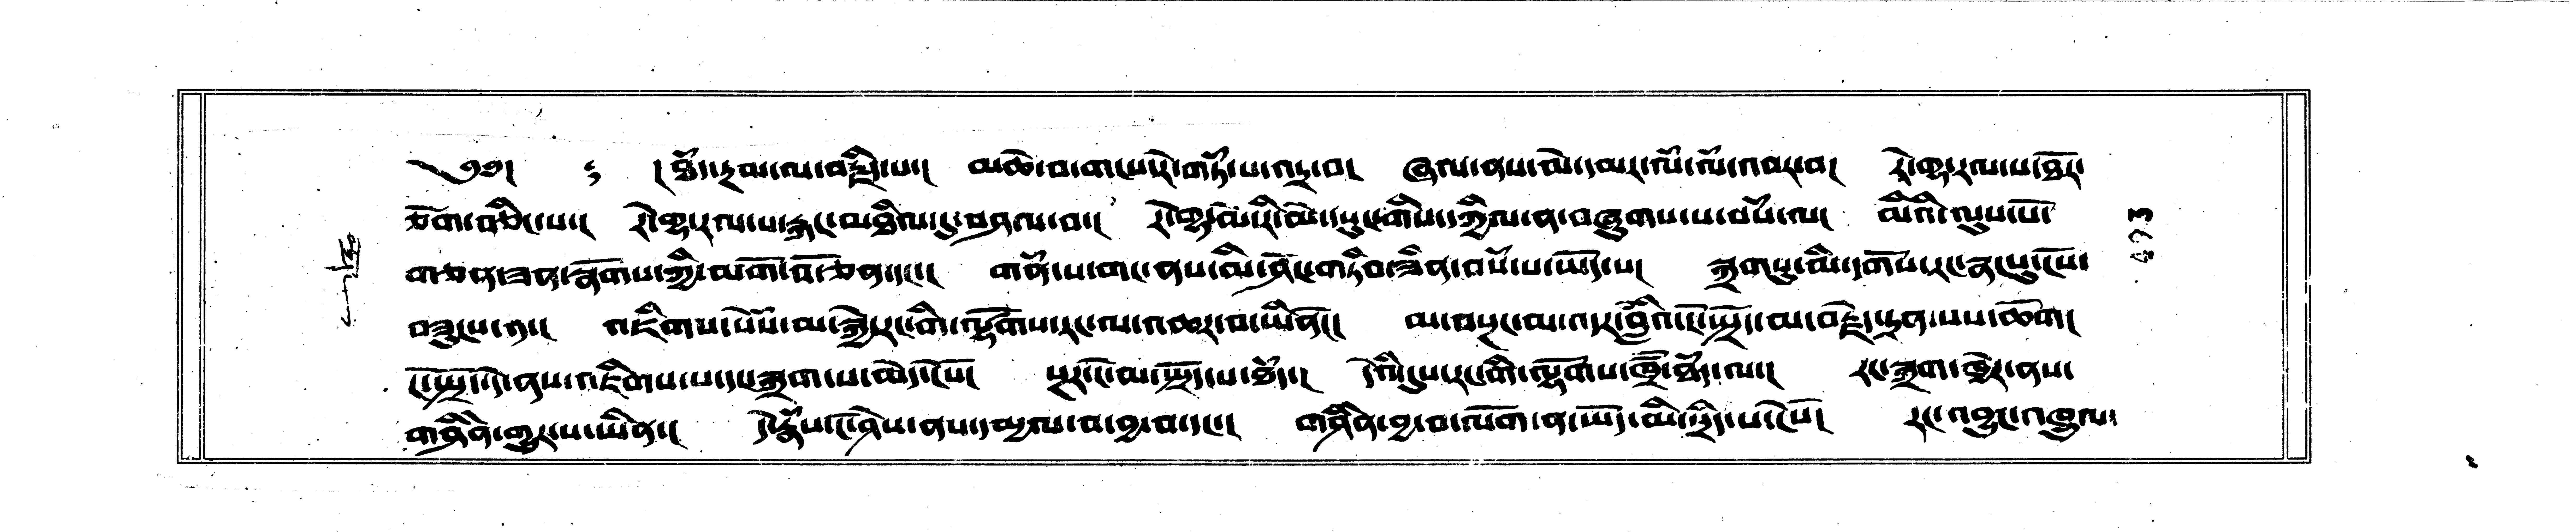ཐམས་ཅད་རྔམ་ལ་བརྗིད་པ། མཆེ་བ་གངས་རི་གཏམ་པ་འདྲ་བ། ཞལ་ནས་མེ་བྷར་(འབར)ལམ་ལམ་འབར་བ། རེས་གྷས་རལ་པ་ཐོར་
གཅོགས་༼ཅོག༽བཅིང་པ། རེས་གྷས་(འགས)་རལ་པ་རྐང་བ་མཐིལ་དུ་གཤལ་བ། རེ་གྷས་(འགས)་མེ་རི་མེ་དཔུང་གིས་དཀྱིལ་ནས་བཞུགས་ཟིན་བསམ་པ། མིའི་ལུས་ལ་
གཅན་གཟན་སྣ་ཚོགས་ཀྱི་མགོ་བོ་ཅན་གྱིས། གནམ་ས་གང་ནས་མི་ཤོང་གཏིབ་ཟིན་བསམ་པ་ཡོད་པ་ལ། སྐྲག་ཏུ་མི་དགོས་རང་སྣང་དུ་ངོས་
ཟུང་ཅིག འཇིགས་སེམས་མ་སྐྱེ་རང་གིས་ལྷ་ཚོགས་རང་ལ་འཆར་བ་ཡིན་ནོ། མ་སྔང་མ་འདར་བླ་མའི་ངོ་སྤྲོད་མ་བརྗེད་དྲན་པས་ཆོག་གོ། 
ངོ་སྤྲོད་དེ་དྲན་ན་འཇིགས་པ་དང་སྐྲགས་པ་མེད་ངེས་སོ། སྔར་ངོ་མ་སྤྲད་པ་ཐམས་ཅད། དེ་དུས་རང་གིས་ལྷ་ཚོགས་ཁྲོ་བོ་ཁྲོ་མོ་ཐམས་ཅད་ལ་རང་སྐྲགས་ཁྱེར་ནས་
གཤིན་རྗེར་གྱུར་པ་ཡིན། དེ་རྣམས་ངོ་ཤེས་ན་དམྱལ་བ་བྱ་བ་དང་གཤིན་རྗེ་བྱ་བ་ལོགས་ན་མེད་དོ་མི་སྲིད་པ་ངེས་སོ། རང་སྣང་འཁྲུལ་